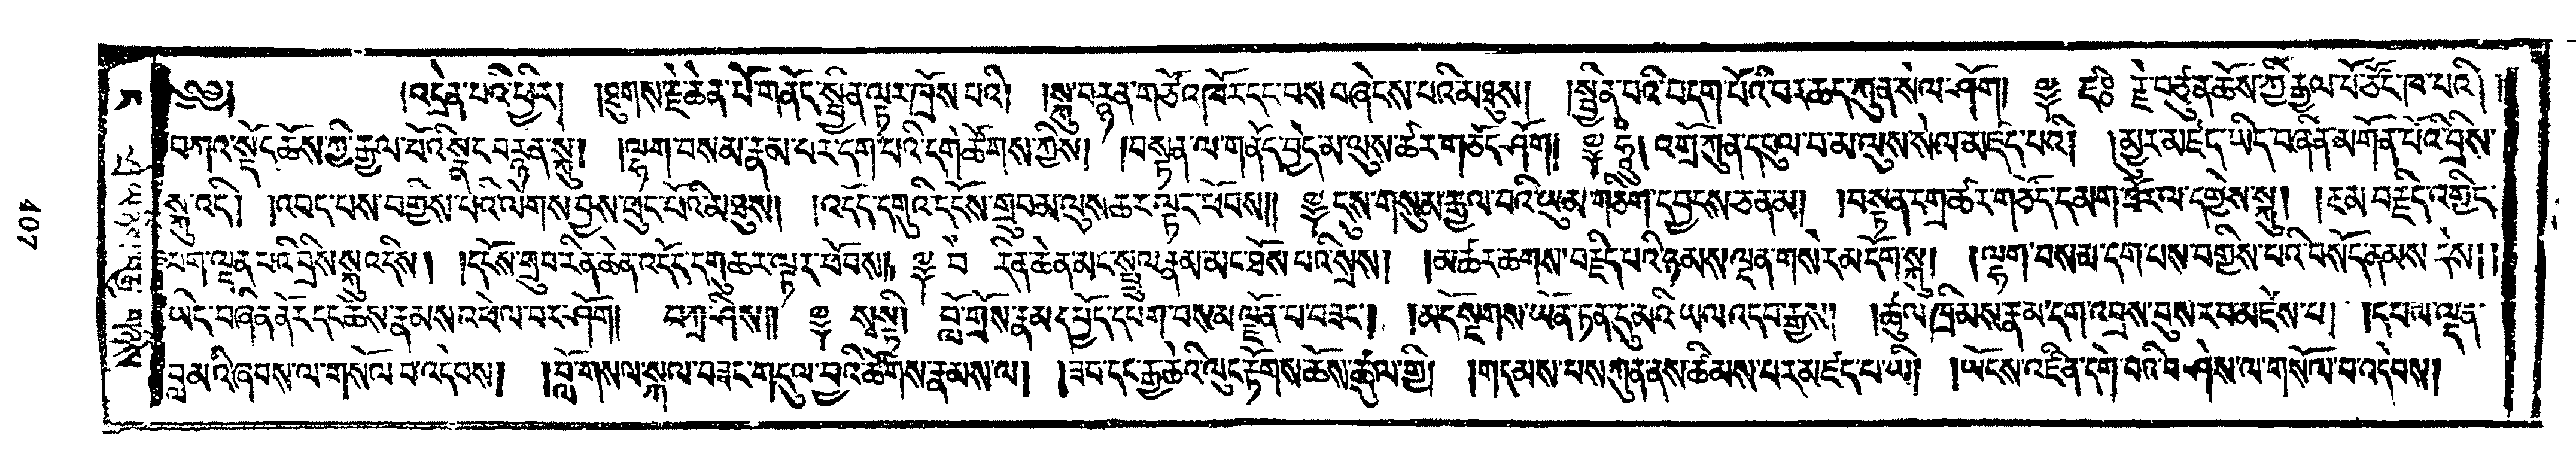༄༅། །འདྲེན་པའི་ཕྱིར། །ཐུགས་རྗེ་ཆེན་པོ་གནོད་སྦྱིན་ལྟར་ཁྲོས་པའི། །སྐུ་བརྙན་གཙོ་འཁོར་དང་བས་བཞེངས་པའི་མཐུས། །སྦྱིན་པའི་བདག་པོའི་བར་ཆད་ཀུན་སེལ་ཤོག། ༈ ཛཿ རྗེ་བཙུན་ཆོས་ཀྱི་རྒྱལ་པོ་ཙོང་ཁ་པའི།།
བཀའ་སྡོང་ཆོས་ཀྱི་རྒྱལ་པོའི་སྣང་བརྙན་སྐུ། །ལྷག་བསམ་རྣམ་པར་དག་པའི་དགེ་ཚོགས་ཀྱིས། །བསྟན་ལ་གནོད་བྱེད་མ་ལུས་ཚར་གཅོད་ཤོག། ༈ ཧཱུཾ། འགྲོ་ཀུན་དབུལ་བ་མ་ལུས་སེལ་མཛད་པའི། །མྱུར་མཛད་ཡིད་བཞིན་མགོན་པོའི་བྲིས་
སྐུ་འདི། །འབད་པས་བགྱིས་པའི་ལེགས་བྱས་ཕུང་པོའི་མཐུས། །འདོད་དགུའི་དངོས་གྲུབ་མ་ལུས་ཆར་ལྟར་ཕོབས།། ༈ དུས་གསུམ་རྒྱལ་བའི་ཡུམ་གཅིག་དབྱངས་ཅན་མ། །བསྟན་དགྲ་ཚར་གཅོད་དམག་ཐོར་ལ་དགྱེས་སྐུ། །རྔམ་བརྗིད་འགྱིད་
པག་ལྡན་པའི་བྲིས་སྐུ་འདིས། །དངོས་གྲུབ་རིན་ཆེན་འདོད་དགུ་ཆར་ལྟར་ཕོབས།། ༈ བཻ་རིན་ཆེན་མང་སྤྲུལ་རྣམ་མང་ཐོས་པའི་སྲས། །མཚར་ཆགས་བརྗིད་པའི་ཉམས་ལྡན་གསེར་མདོག་སྐུ། །ལྷག་བསམ་དག་པས་བགྱིས་པའི་བསོད་ནམས་དེས།།
ཡིད་བཞིན་ནོར་དང་ཆོས་རྣམས་འཕེལ་བར་ཤོག། །བཀྲ་ཤིས།། ༈ སྭསྟི། བློ་གྲོས་རྣམ་དཔྱོད་དཔག་བསམ་ལྗོན་པ་བཟང་། །མདོ་སྔགས་ཡོན་ཏན་དུ་མའི་ཡལ་འདབ་རྒྱས། །ཚུལ་ཁྲིམས་རྣམ་དག་འབྲས་བུས་རབ་མཛེས་པ། །དཔལ་ལྡན་
བླ་མའི་ཞབས་ལ་གསོལ་བ་འདེབས། །བློ་གསལ་སྐལ་བཟང་གདུལ་བྱའི་ཚོགས་རྣམས་ལ། །ཟབ་དང་རྒྱ་ཆེའི་ལུང་རྟོགས་ཆོས་ཚུལ་གྱི། །གདམས་པས་ཀུན་ནས་ཚིམས་པར་མཛད་པ་ཡི། །ཡོངས་འཛིན་དགེ་བའི་བཤེས་ལ་གསོལ་བ་འདེབས།